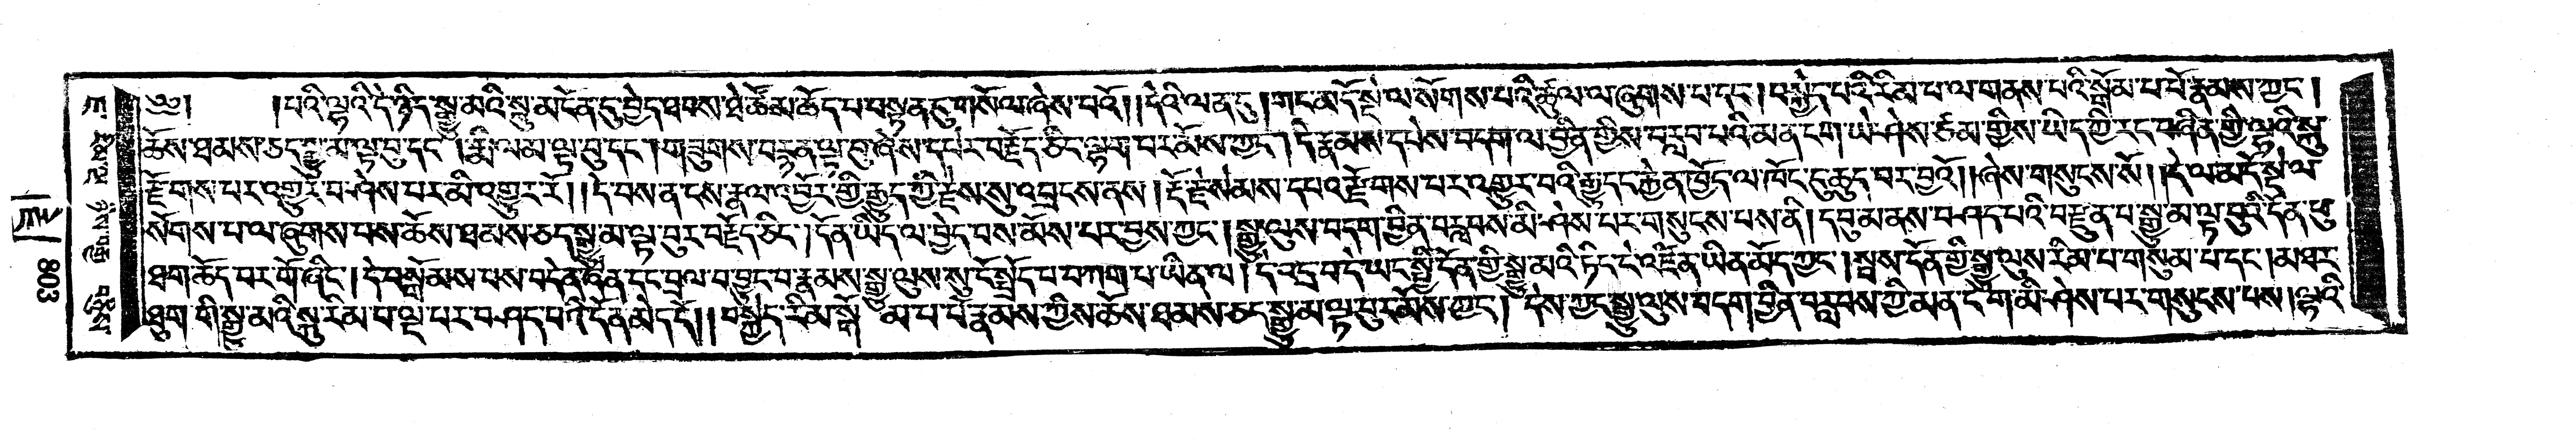༄༅། །བའི་ལྷའི་དེ་ཉིད་སྒྱུ་མའི་སྐུ་མངོན་དུ་བྱེད་ཐབས་ཐེ་ཚོམ་ཆོད་པ་བསྟན་དུ་གསོལ་ཞེས་པའོ། །དེའི་ལན་དུ། གང་མདོ་སྡེ་ལ་སོགས་པའི་ཚུལ་ལ་ཞུགས་པ་དང་། བསྐྱེད་པའི་རིམ་པ་ལ་གནས་པའི་སྒོམ་པ་པོ་རྣམས་ཀྱང་།
ཆོས་ཐམས་ཅད་སྒྱུ་མ་ལྟ་བུ་དང་། རྨི་ལམ་ལྟ་བུ་དང་། གཟུགས་བརྙན་ལྟ་བུ་ཞེས་དཔེར་བརྗོད་ཅིང་ལྷག་པར་མོས་ཀྱང་། དེ་རྣམས་དཔེས་བདག་ལ་བྱིན་གྱིས་བརླབ་པའི་མན་ངག་ཡེ་ཤེས་ཙམ་གྱིས་ཡིད་ཀྱི་རང་བཞིན་གྱི་ལྷའི་སྐུ་
རྫོགས་པར་འགྱུར་བ་ཤེས་པར་མི་འགྱུར་རོ། །དེ་བས་ན་ངེས་རྣལ་འབྱོར་གྱི་རྒྱུད་ཀྱི་རྗེས་སུ་འབྲངས་ནས། རྡོ་རྗེ་སེམས་དཔའ་རྫོགས་པར་འགྱུར་བའི་རྒྱུ་དང་རྐྱེན་ཁྱོད་ལ་ཁོང་དུ་ཆུད་པར་བྱའོ། །ཞེས་གསུངས་སོ། །དེ་ལ་མདོ་སྡེ་ལ་
སོགས་པ་ལ་ཞུགས་པས་ཆོས་ཐམས་ཅད་སྒྱུ་མ་ལྟ་བུར་བརྗོད་ཅིང་། དོན་ཡིད་ལ་བྱེད་པས་མོས་པར་བྱས་ཀྱང་། སྒྱུ་ལུས་བདག་བྱིན་བརླབས་མི་ཤེས་པར་གསུངས་པས་ནི། དབུ་མ་ནས་བཤད་པའི་བརྫུན་པ་སྒྱུ་མ་ལྟ་བུའི་དོན་ཕུ་
ཐག་ཆོད་པར་གོ་ཞིང་། དེ་བསྒོམས་པས་བདེན་ཞེན་དང་བྲལ་བ་བྱུང་བ་རྣམས་སྒྱུ་ལུས་སུ་ངོ་སྤྲོད་པ་བཀག་པ་ཡིན་ལ། དེ་འདྲ་བ་དེ་ཡང་སྤྱི་དོན་གྱི་སྒྱུ་མའི་ཏིང་ངེ་འཛིན་ཡིན་མོད་ཀྱང་། སྦས་དོན་གྱི་སྒྱུ་ལུས་རིམ་པ་གསུམ་པ་དང་། མཐར་
ཐུག་གི་སྒྱུ་མའི་སྐུ་རིམ་པ་ལྔ་པར་བཤད་པའི་དོན་མེད་དེ། །བསྐྱེད་རིམ་སྒོ་མ་པ་པོ་རྣམས་ཀྱིས་ཆོས་ཐམས་ཅད་སྒྱུ་མ་ལྟ་བུར་མོས་ཀྱང་། དེས་ཀྱང་སྒྱུ་ལུས་བདག་བྱིན་བརླབས་ཀྱི་མན་ངག་མི་ཤེས་པར་གསུངས་པས། ལྷའི་